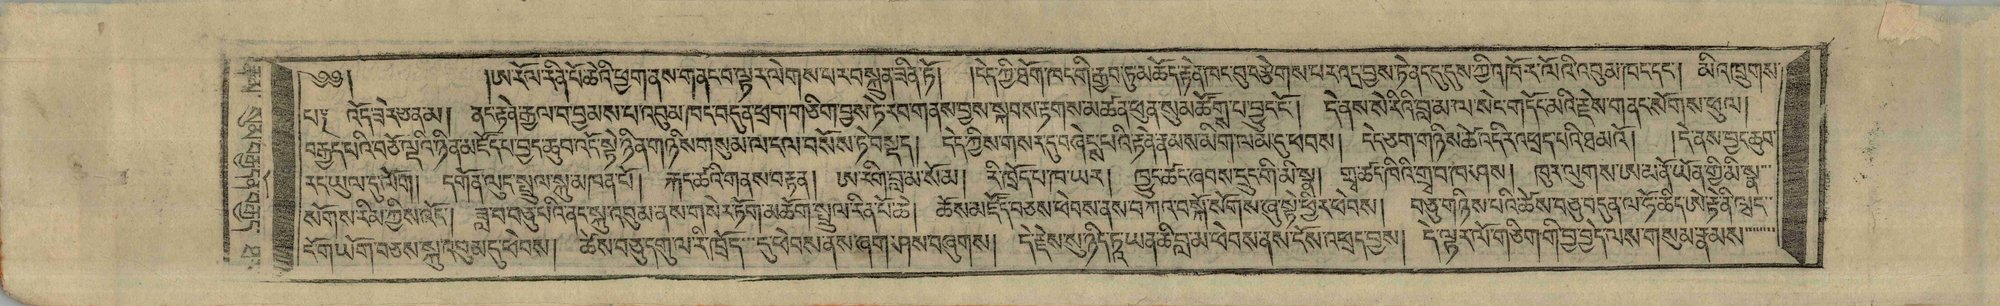༄༅། །ཨ་རོལ་རིན་པོ་ཆེའི་ཕྱག་ནས་གནང་བ་ལྟར་ལེགས་པར་བསྐྲུན་ཟིན་ཏོ། །ངེད་ཀྱི་ཐོག་ཁང་གི་རྒྱབ་ཏུ་མཆོད་རྟེན་ཁང་བུ་བརྩེགས་པར་འདྲ་བྱས་ཏེ་ནང་དུ་དུས་ཀྱི་འཁོར་ལོའི་འབུམ་ཁང་དང་། མི་འཁྲུགས་
པ༑ འོད་ཟེར་ཅན་མ། ནང་རྟེན་རྒྱལ་བ་བྱམས་པ་འབུམ་ཁང་བདུན་ཕྲག་གཅིག་བྱས་ཏེ་རབ་གནས་བྱས་སྐབས་རྟགས་མཚན་ཕུན་སུམ་ཚོགས་པ་བྱུང་ངོ། དེ་ནས་སེ་རིའི་བླ་མ་ལ་སེང་གདོང་མའི་རྗེས་གནང་སོགས་ཕུལ།
བརྒྱད་པའི་བཅོ་ལྔའི་ཉིན་མཛོད་པ་བྱང་ཆུབ་འོང་སྟེ་ཉིན་གཉིས་གསུམ་ལ་ངལ་བསོས་ཏེ་བསྡད། ངེད་ཀྱིས་གསར་དུ་བཞེངས་པའི་རྟེན་རྣམས་མིག་ལམ་དུ་ཕབས། ངེད་ཅག་གཉིས་ཚེ་འདིར་འཕྲད་པའི་ཐམO། །དེ་ནས་བྱང་ཆུབ་
རང་ཡུལ་དུ་ལོག །དགོན་ལུང་སྤྲུལ་སྐུ་མཁན་པོ། རྐང་ཚའི་གནས་བརྟན། ཨ་རིག་བླ་མ་སོམ། རི་ཁྲོད་པ་ཁ་ཡར། ཁྱུང་ཚང་ཞབས་དྲུང་གི་མི་སྣ། གྲྭ་ཚང་ཁིའི་གྲྭ་བ་ཁ་ཤས། ཁུར་ལུགས་ཨ་མ་ནོ་ཡོན་གྱི་མི་སྣ་
སོགས་རིམ་ཀྱིས་འོང་། ཟླ་བ་བཅུ་པའི་ནང་སྐུ་འབུམ་ནས་གསེར་ཏོག་མཆོག་སྤྲུལ་རིན་པོ་ཆེ། ཆོས་མཛོད་བཅས་ཕེབས་ནས་བཀའ་བསྐོ་སོགས་ཞུ་སྟེ་ཕྱིར་ཕེབས། བཅུ་གཉིས་པའི་ཚེས་བཅུ་བདུན་ལ་ཧོ་ཆིད་ཨེ་རྟེ་ནི་ལྭང་
ངོ་གཡོག་བཅས་སྐུ་འབུམ་དུ་ཕེབས། ཚེས་བཅུ་དགུ་ལ་རི་ཁྲོད་དུ་ཕེབས་ནས་ཞག་ཤས་བཞུགས། དེ་རྗེས་སུ་ཉིད་ཏཱ་ཡན་ཆི་བླ་མ་ཕེབས་ནས་ངོས་འཕྲད་བྱས། དེ་ལྟར་ལོ་གཅིག་གི་བྱ་བྱེད་ལས་གསུམ་རྣམས་